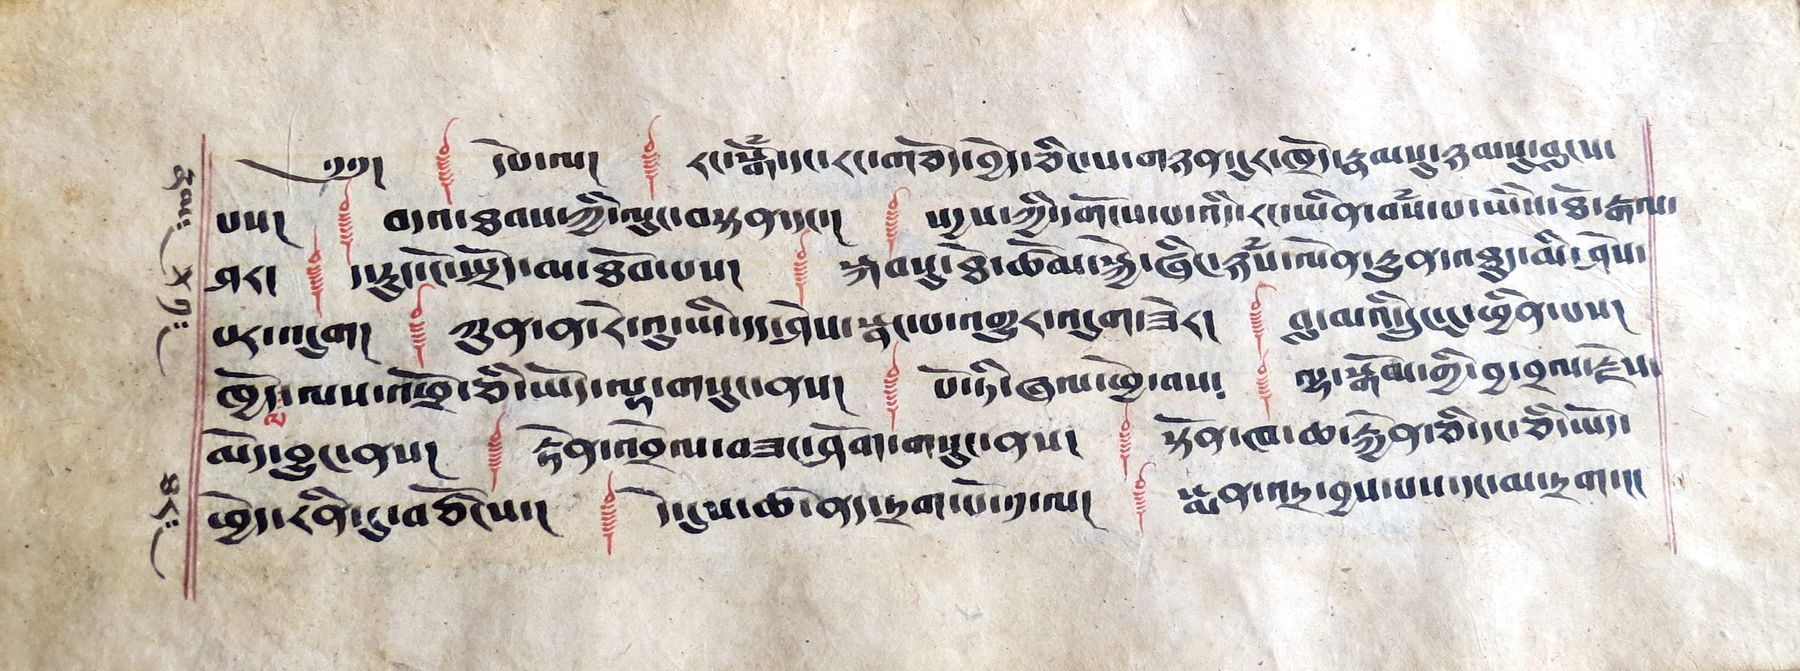དཔེ་ལ། རང་སྒོམ་དང་རང་གཅོད་བྱེད་ཅིང་ས་གཉན་དུར་ཁྲོད་རྣམས་སུ་ཉམས་སུ་བླངས་
པས། བརྡ་ཐབས་ཀྱིས་ལུང་བསྟན་དང་། སངས་རྒྱས་ཀྱི་དགོངས་པ་འདི་རང་ཡིན་པའི་ཡེ་ཤེས་ཐོད་རྒལ་
ཤར། ད་རུང་ངོ་སྤྲོད་མ་ཐོབ་པས། སྐབས་སུ་ཐེ་ཚོམ་སྐྱེ་ཞིང་ཉམས་ལེན་རྒྱུན་མཐུད་མི་ཤེས་
པར་འདུག ཀུན་ན་རེ་འུ་བུའི་དད་ཤེས་སྣང་བ་འགྱུར་འདུག་ཟེར། བླ་མའི་དྲུང་དུ་ཕྱིན་པས། 
ཁྱོད་ལས་འཕྲོ་ཅི་ཡོད་ལྟ་གསུངས་ནས། པོ་ཏི་ཞལ་ཕྱེས་བས། ལྷ་སྒོམ་གྱི་བྱ་བྲལ་རྗེས་
མེད་བྱུང་ནས། རྟེན་འབྲེལ་བཟང་ཤོག་གསུངས་ནས། སྟོན་ཁ་ཆ་རྐྱེན་ཅི་དང་ཅི་ཡོད་
ཕྱེད་རིན་དུ་བཙོང་། དེ་དུས་ཚད་ནད་དྲག་པོ་ཞིག་ལ། སྨན་འདྲ་བྱས་པས་དང་མ་དྲག་